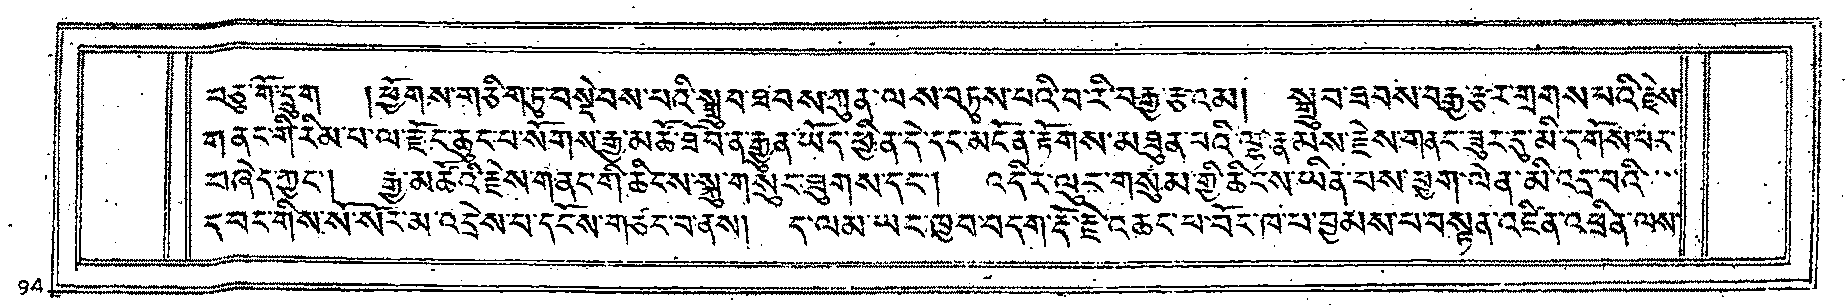བཅུ་གོ་དྲུག །ཕྱོགས་གཅིག་ཏུ་བསྡེབས་པའི་སྒྲུབ་ཐབས་ཀུན་ལས་བཏུས་པའི་བ་རི་བརྒྱ་རྩའམ། སྒྲུབ་ཐབས་བརྒྱ་རྩར་གྲགས་པའི་རྗེས་
གནང་གི་རིམ་པ་ལ་རྫོང་ཆུང་པ་སོགས་རྒྱ་མཚོ་ཐོབ་ན་རྒྱུན་ཡོད་ཕྱིན་དེ་དང་མངོན་རྟོགས་མཐུན་པའི་ལྷ་རྣམས་རྗེས་གནང་ཟུར་དུ་མི་དགོས་པར་
བཞེད་ཀྱང་། རྒྱ་མཚོའི་རྗེས་གནང་གི་ཆིངས་སྐུ་གསུང་ཐུགས་དང་། འདིར་ལུང་གསུམ་གྱི་ཆིངས་ཡིན་པས་ཕྱག་ལེན་མི་འདྲ་བའི་
དབང་གིས་སོ་སོར་མ་འདྲེས་པ་དངོས་གཙང་བ་ནས། ད་ལམ་ཡང་ཁྱབ་བདག་རྡོ་རྗེ་འཆང་ཕ་བོང་ཁ་པ་བྱམས་པ་བསྟན་འཛིན་འཕྲིན་ལས་